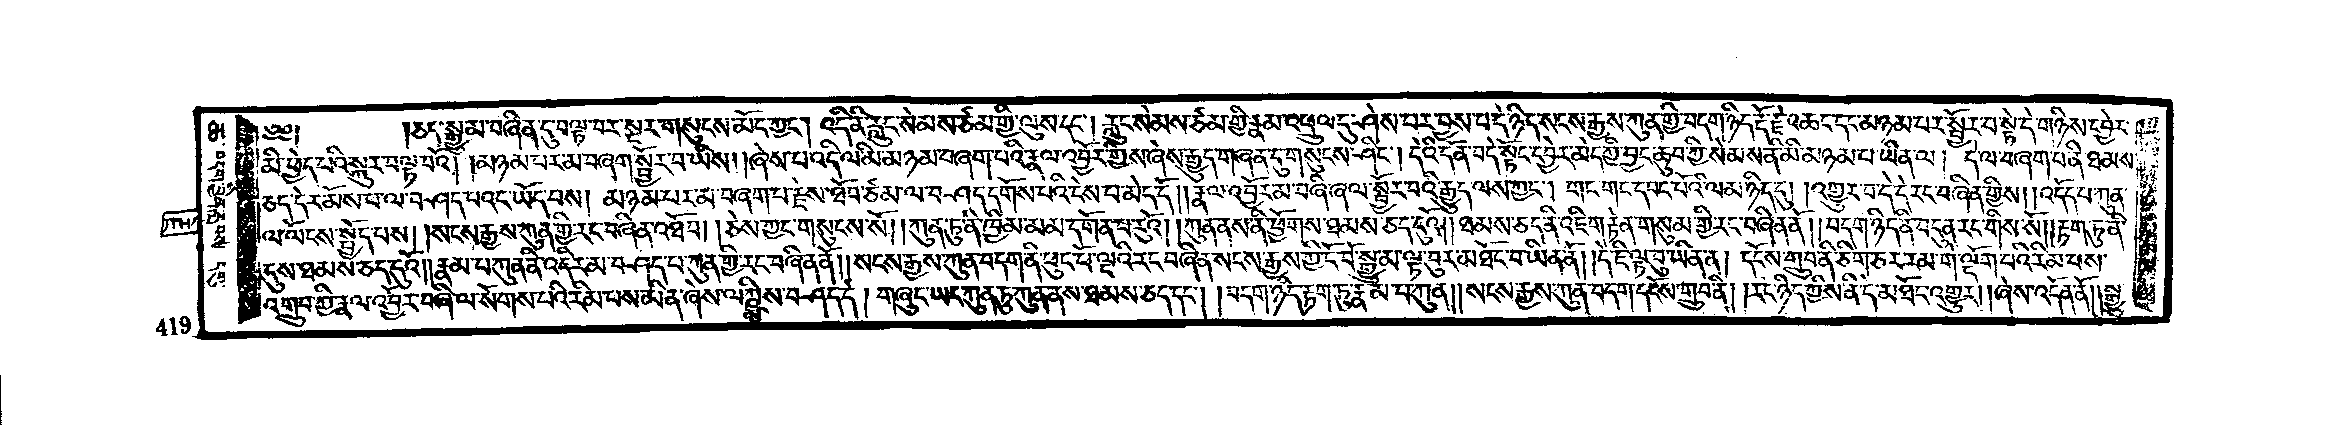༄༅། །ཅད་སྒྱུ་མ་བཞིན་དུ་བལྟ་བར་སྔར་གསུངས་མོད་ཀྱང་། འདི་ནི་རླུང་སེམས་ཙམ་གྱི་ལུས་དང་། རླུང་སེམས་ཙམ་གྱི་རྣམ་འཕྲུལ་དུ་ཤེས་པར་བྱས་པ་དེ་ཉིད་སངས་རྒྱས་ཀུན་གྱི་བདག་ཉིད་རྡོ་རྗེ་འཆང་དང་མཉམ་པར་སྦྱོར་བ་སྟེ་དེ་གཉིས་དབྱེར་
མི་ཕྱེད་པའི་སྐུར་བལྟ་བའོ། །མཉམ་པར་མ་བཞག་སྦྱོར་བ་ཡིས། །ཞེས་པ་འདི་ལ་མི་མཉམ་བཞག་པའི་རྣལ་འབྱོར་གྱིས་ཞེས་རྒྱུད་གཞན་དུ་གསུངས་ཤིང་། དེའི་དོན་བདེ་སྟོང་དབྱེར་མེད་ཀྱི་བྱང་ཆུབ་ཀྱི་སེམས་ནི་མི་མཉམ་པ་ཡིན་ལ། དེ་ལ་བཞག་པ་ནི་ཐམས་
ཅད་དེར་མོས་པ་ལ་བཤད་པའང་ཡོད་པས། མཉམ་པར་མ་བཞག་པ་རྗེས་ཐོབ་ཙམ་ལ་བཤད་དགོས་པའི་ངེས་པ་མེད་དོ། །རྣལ་འབྱོར་མ་བཞི་ཞལ་སྦྱོར་བའི་རྒྱུད་ལས་ཀྱང་། གང་གང་དབང་པོའི་ལམ་ཉིད་དུ། །འགྱུར་བ་དེ་དེ་རང་བཞིན་གྱིས། །འདོད་པ་ཀུན་
ལ་ལོངས་སྤྱོད་པས། །སངས་རྒྱས་ཀུན་གྱི་རང་བཞིན་འཐོབ། །ཅེས་ཀྱང་གསུངས་སོ། །ཀུན་ཏུ་ནི་ཁྱིམ་མམ་དགོན་པ་རུའོ། །ཀུན་ནས་ནི་ཕྱོགས་ཐམས་ཅད་དུའོ། །ཐམས་ཅད་ནི་འཇིག་རྟེན་གསུམ་གྱི་རང་བཞིན་ནོ། །བདག་ཉིད་ནི་བདུན་རང་གིས་སོ། །རྟག་ཏུ་ནི་
དུས་ཐམས་ཅད་དུའོ། །རྣམ་པ་ཀུན་ནི་འདིར་མ་བཤད་པ་ཀུན་གྱི་རང་བཞིན་ནོ། །སངས་རྒྱས་ཀུན་བདག་ནི་ཕུང་པོ་ལྔའི་རང་བཞིན་སངས་རྒྱས་ཀྱི་ངོ་བོ་སྒྱུ་མ་ལྟ་བུར་མཐོང་བ་ཡིན་ནོ། །དེ་ཇི་ལྟ་བུ་ཡིན་ན། དངོས་གྲུབ་ནི་ཅིག་ཅར་རམ་གོ་ལྡོག་པའི་རིམ་པས་
འགྲུབ་ཀྱི་རྣལ་འབྱོར་བཞི་ལ་སོགས་པའི་རིམ་པས་མིན་ཞེས་ལཀྵྨིས་བཤད་དེ། གཞུང་ཡང་ཀུན་ཏུ་ཀུན་ནས་ཐམས་ཅད་དང་། །བདག་ཉིད་རྟག་ཏུ་རྣམ་པ་ཀུན། །སངས་རྒྱས་ཀུན་བདག་དངོས་གྲུབ་ནི། །རང་ཉིད་ཀྱིས་ནི་དེ་མཐོང་འགྱུར། །ཞེས་འདོན་ནོ། །སྒྱུ་